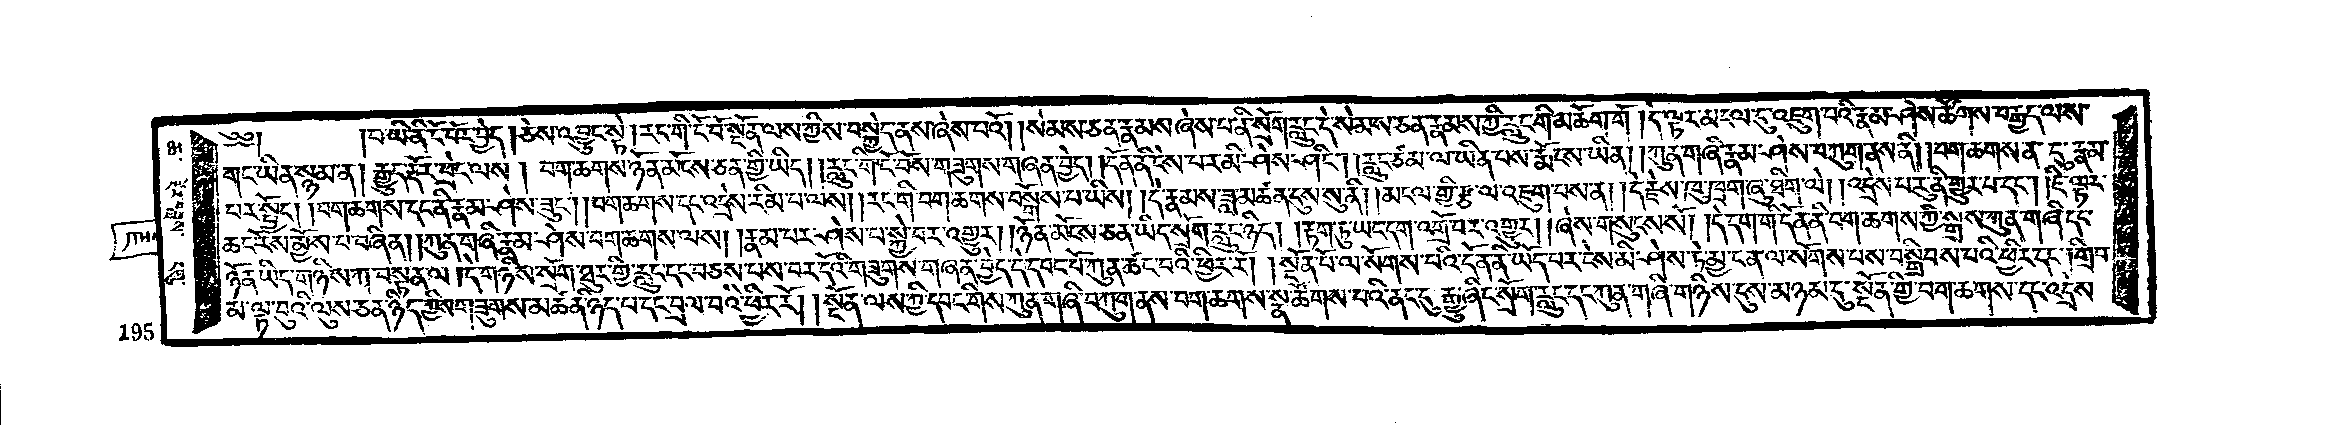༄༅། །པ་ཡི་ནི་ངོ་བོར་བྱེད། ཅེས་འབྱུང་སྟེ། རང་གི་ངོ་བོ་སྔོན་ལས་ཀྱིས་བསྐྱེད་ནས་ཞེས་པའོ། །སེམས་ཅན་རྣམས་ཞེས་པ་ནི་སྲོག་རླུང་དེ་སེམས་ཅན་རྣམས་ཀྱི་རླུང་གི་མཆོག་གོ །དེ་ལྟར་མངལ་དུ་འཇུག་པའི་རྣམ་ཤེས་ཚོགས་བརྒྱད་ལས་
གང་ཡིན་སྙམ་ན། རྒྱུད་རྡོར་ཕྲེང་ལས། བག་ཆགས་ཉོན་མོངས་ཅན་གྱི་ཡིད། །རླུང་གི་ངོ་བོས་གཟུགས་གཞན་བྱེད། །དོན་ནི་ངེས་པར་མི་ཤེས་ཤིང་། །རླུང་ཙམ་ལ་ཡིན་པས་རྨོངས་ཡིན། །ཀུན་གཞི་རྣམ་ཤེས་བཀུག་ནས་ནི། །བག་ཆགས་ནང་དུ་རྣམ་
པར་སྤྱོད། །བག་ཆགས་དང་ནི་རྣམ་ཤེས་ཟུང་། །བག་ཆགས་དང་འདྲེས་རིམ་པ་ལས། །རང་གི་བག་ཆགས་བསྒོས་པ་ཡིས། །དེ་རྣམས་ཟླ་མཚན་དུས་སུ་ནི། །མངལ་གྱི་རྩ་ལ་འཇུག་པས་ན། །དེ་རྗེས་ཁུ་ཁྲག་ཞུ་ཐིག་ལེ། །འདྲེས་པ་རུ་ནི་གྱུར་པ་དང་། །ཇི་ལྟར་
ཆང་རོས་མྱོས་པ་བཞིན། །ཀུན་གཞི་རྣམ་ཤེས་བག་ཆགས་ལས། །རྣམ་པར་ཤེས་པ་སྐྱེ་བར་འགྱུར། །ཉོན་མོངས་ཅན་ཡིད་སྲོག་རླུང་ཉིད། །རྟག་ཏུ་ཡང་དག་འགྲོ་བར་འགྱུར། །ཞེས་གསུངས་སོ། །དེ་དག་གི་དོན་ནི་བག་ཆགས་ཀྱི་སྒྲས་ཀུན་གཞི་དང་
ཉོན་ཡིད་གཉིས་ཀ་བསྟན་ལ། དེ་གཉིས་སྲོག་ཐུར་གྱི་རླུང་དང་བཅས་པས་བར་དོའི་གཟུགས་གཞན་བྱེད་དེ་དབང་པོ་ཀུན་ཚང་བའི་ཕྱིར་རོ། །སྔོན་པོ་ལ་སོགས་པའི་དོན་ནི་ཡོད་པར་ངེས་མི་ཤེས་ཏེ་མྱ་ངན་ལ་སོགས་པས་བསྒྲིབས་པའི་ཕྱིར་དང་། གྲིབ་
མ་ལྟ་བུའི་ལུས་ཅན་ཉིད་ཀྱིས་གཟུགས་མཚན་ཉིད་པ་དང་བྲལ་བའི་ཕྱིར་རོ། །སྔོན་ལས་ཀྱི་དབང་གིས་ཀུན་གཞི་བཀུག་ནས་བག་ཆགས་སྣ་ཚོགས་པའི་ནང་དུ་རྒྱུ་ཞིང་སྲོག་རླུང་དང་ཀུན་གཞི་གཉིས་དུས་མཉམ་དུ་སྔོན་གྱི་བག་ཆགས་དང་འདྲེས་